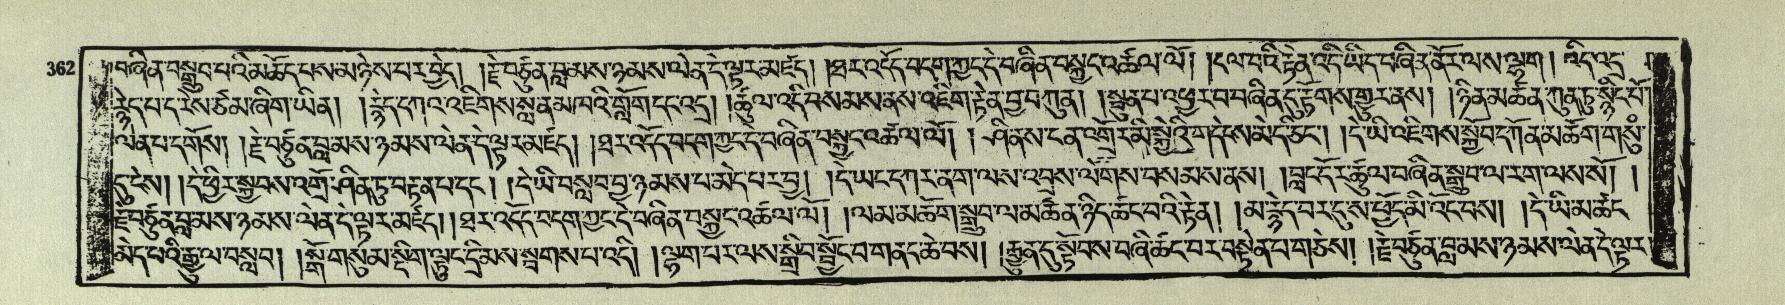བཞིན་བསྒྲུབ་པའི་མཆོད་པས་མཉེས་པར་བྱེད། །རྗེ་བཙུན་བླ་མས་ཉམས་ལེན་དེ་ལྟར་མཛད། །ཐར་འདོད་བདག་ཀྱང་དེ་བཞིན་བསྐྱང་འཚལ་ལོ། །དལ་བའི་རྟེན་འདི་ཡིད་བཞིན་ནོར་ལས་ལྷག །འདི་འདྲ་
རྙེད་པ་ད་རེས་ཙམ་ཞིག་ཡིན། །རྙེད་དཀའ་འཇིགས་སླ་ནམ་མཁའི་གློག་དང་འདྲ། །ཚུལ་འདི་བསམས་ནས་འཇིག་རྟེན་བྱ་བ་ཀུན། །སྦུན་པ་འཕྱར་བ་བཞིན་དུ་རྟོགས་གྱུར་ནས། །ཉིན་མཚན་ཀུན་ཏུ་སྙིང་པོ་
ལེན་པ་དགོས། །རྗེ་བཙུན་བླ་མས་ཉམས་ལེན་དེ་ལྟར་མཛད། །ཐར་འདོད་བདག་ཀྱང་དེ་བཞིན་བསྐྱང་འཚལ་ལོ། །ཤི་ནས་ངན་འགྲོར་མི་སྐྱེའི་གདེངས་མེད་ཅིང་། །དེ་ཡི་འཇིགས་སྐྱོབ་དཀོན་མཆོག་གསུཾ་
དུ་ངེས། །དེ་ཕྱིར་སྐྱབས་འགྲོ་ཤིན་ཏུ་བརྟན་པ་དང་། །དེ་ཡི་བསླབ་བྱ་ཉམས་པ་མེད་པར་བྱ། །དེ་ཡང་དཀར་ནག་ལས་འབྲས་ལོགས་བསམས་ནས། །བླང་དོར་ཚུལ་བཞིན་སྒྲུབ་པ་ལ་རག་ལས་སོ། །
རྗེ་བཙུན་བླ་མས་ཉམས་ལེན་དེ་ལྟར་མཛད། །ཐར་འདོད་བདག་ཀྱང་དེ་བཞིན་བསྐྱང་འཚལ་ལོ། །ལམ་མཆོག་སྒྲུབ་ལ་མཚན་ཉིད་ཚང་བའི་རྟེན། །མ་རྙེད་བར་དུ་ས་ཕྱོད་མི་འོང་བས། །དེ་ཡི་མ་ཚང་
མེད་པའི་རྒྱུ་ལ་བསླབ། །སྒོ་གསུམ་སྡིག་ལྟུང་དྲི་མས་སྦགས་པ་འདི། །ལྷག་པར་ལས་སྒྲིབ་སྦྱོང་བ་གནད་ཆེ་བས། །རྒྱུན་དུ་སྟོབས་བཞི་ཚང་བར་བསྟེན་པ་གཅེས། །རྗེ་བཙུན་བླ་མས་ཉམས་ལེན་དེ་ལྟར་